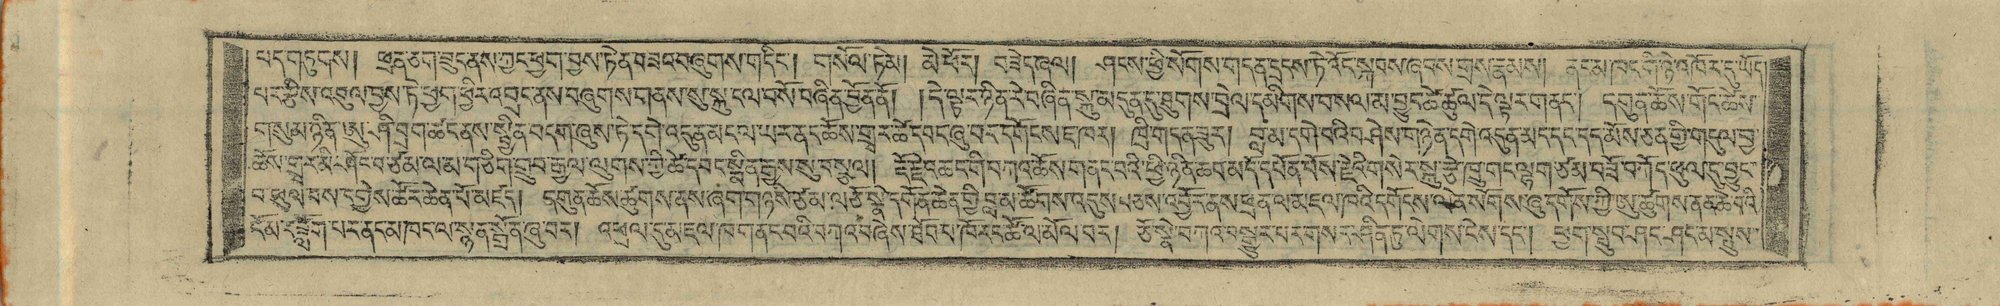པད་གཏུགས། ཕྲན་ཅག་ཟུང་ནས་ཀྱང་ཕྱག་བྱས་ཏེ་ན་བཟའ་བཞུགས་གདིང་། གསོལ་ཏེམ། མེ་ཕོར། བཟེད་ཞལ། ཤངས་ཕྱི་སོགས་གདན་དྲངས་ཏེ་འོང་སྐབས་ཞབས་གྲས་རྣམས། ནང་མ་ཁང་གི་ཉེ་འཁོར་དུ་ཡོད་
པར་རྩིས་འབུལ་བྱས་ཏེ་ཕྱག་ཕྱིར་འབྲང་ནས་བཞུགས་གནས་སུ་སྐུ་ངལ་བསོ་བཞིན་བྱོན་ནོ། །དེ་ལྟར་ཉིན་རེ་བཞིན་སྐུ་མདུན་དུ་ཐུགས་བྲེལ་དམིགས་བསལ་མ་བྱུང་ཚེ་ཚུལ་དེ་ལྟར་གནང་། དགུན་ཆོས་གོང་ཚེས་
གསུམ་ཉིན་ཨུ་ཤི་བྲག་ཚང་ནས་སྦྱིན་བདག་ཞུས་ཏེ་དགེ་འདུན་མང་ལ་ཡར་ནང་ཆོས་གྲྭར་ཚེ་དབང་ཞུ་བར་དགོངས་ཇ་ཁར། ཁྲི་གདན་ཟུར། བླ་མ་དགེ་བའི་བཤེས་གཉེན་དགེ་འདུན་མང་དང་དད་མོས་ཅན་གྱི་གདུལ་བྱ་
ཆོས་གྲྭར་མི་ཤོང་བ་ཙམ་ལ་མ་གཅིག་གྲུབ་རྒྱལ་ལུགས་ཀྱི་ཚེ་དབང་སྨིན་རྒྱས་སུ་བསྩལ། རྡོ་རྗེ་འཆང་གི་བཀའ་ཆོས་གནང་བའི་ཕྱི་ཉིན་ཆབ་མདོ་དཔོན་པོས་རྗེའི་གསེར་སྐུ་རྩེ་ཁྲུ་གང་ལྷག་ཙམ་བཟོ་བཀོད་ཕུལ་དུ་བྱུང་
བ་ཕུལ་བས་དགྱེས་ཚོར་ཆེན་པོ་མཛད། དགུན་ཆོས་ཚུགས་ནས་ཞག་གཉིས་ཙམ་ལ་ཅོ་སྣེ་དགོན་ཆེན་གྱི་བླ་མ་ཚོགས་འདུས་བཅས་འབྱོར་ནས་ཕྲན་ལ་མཇལ་ཁའི་དགོངས་ལེན་སོགས་ཞུ་དགོས་ཀྱི་ཨུ་ཚུགས་ནན་ཆེ་བའི་
ངོམ་?་བཟློག་པར་ནང་མ་ཁང་ལ་སྙན་སྒྲོན་ཞུ་བར། འཕྲལ་དུ་མཇལ་ཁ་གནང་བའི་བཀའ་བཞེས་ཐོབ་པ་ཁོ་རང་ཚོ་ལ་མོལ་བར། ཅོ་སྣེ་བཀའ་བསྒྱུར་པར་གསར་ཤིན་ཏུ་ལེགས་ངེས་དང་། ཕྱག་སྤུབ་ཤང་ཤང་མ་སྤུས་